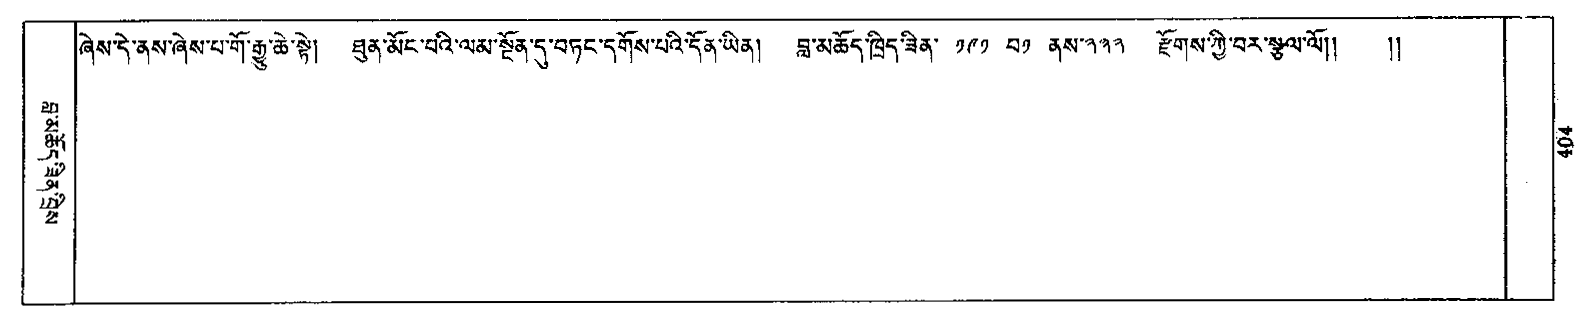ཞེས་དེ་ནས་ཞེས་པ་གོ་རྒྱུ་ཆེ་སྟེ། ཐུན་མོང་པའི་ལམ་སྔོན་དུ་བཏང་དགོས་པའི་དོན་ཡིན། བླ་མཆོད་ཁྲིད་ཟིན ༡༩༡་བ ༡་ནས ༢༣༢་རྫོགས་ཀྱི་བར་སྩལ་ལོ།། །།